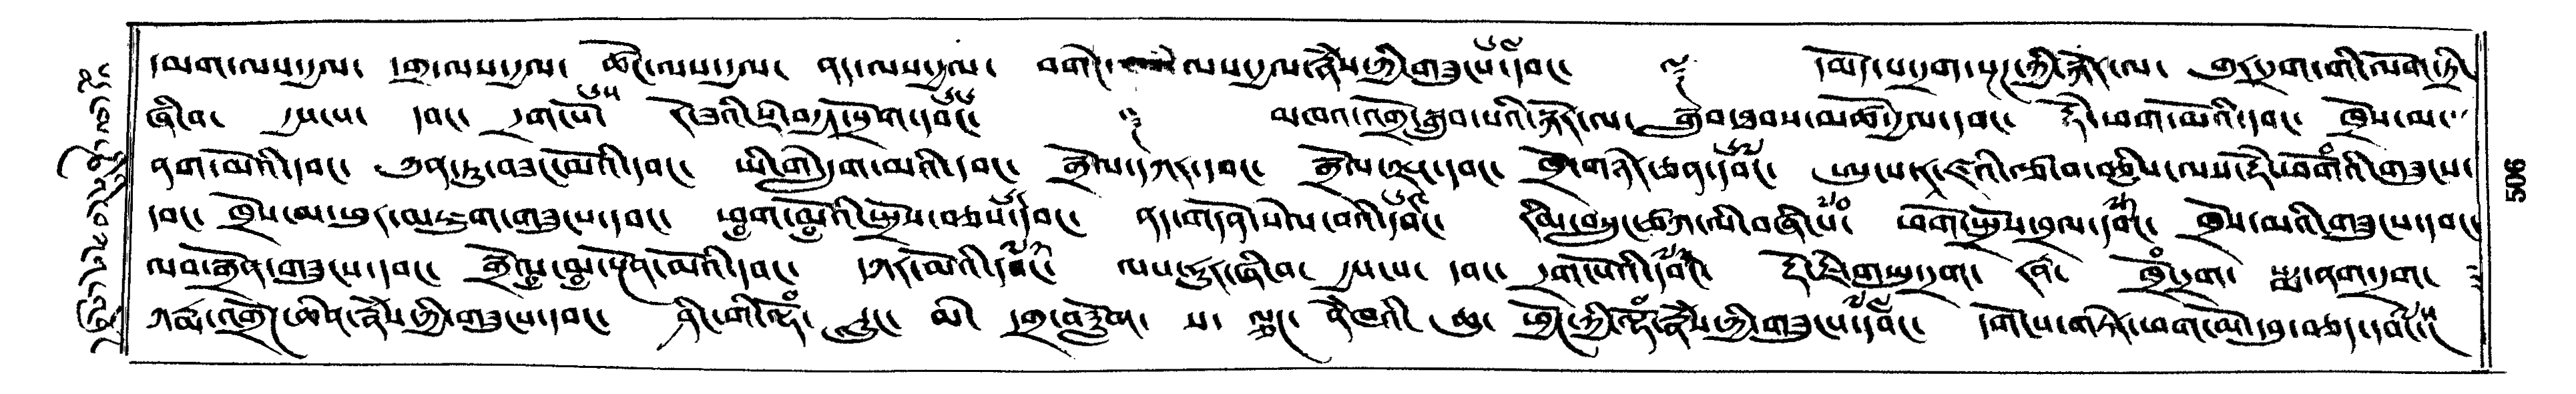དམག་ལས་རྒྱལ། དགྲ་ལས་རྒྱལ། ཚོང་ལས་རྒྱལ། ནད་ལས་རྒྱལ། བགེགས་ལས་རྒྱལ་རྣམས་ཀྱི་གཟུངས་༦༤དབང་། དམོད་པ་དྲག་སྔགས་ཀྱི་ཆོས་སྐོར་ལ། གུར་དྲག་གི་ལོག་ཏྲའི། 
ཞི་བ། རྒྱས་པ། དབང་། དྲག་པོ། རོ་ཟའི་སྡེ་བརྒྱད་སྲོག་དབང་། ༈ མཁའ་འགྲོ་སྒྲུབ་པའི་སྐོར་ལ།སྒྲུབ་ཐབས་མཚོ་རྒྱལ་དབང་། རྡོ་རྗེ་ཕག་མོའི་དབང་། ཁྲོས་མ་
ནག་མོའི་དབང་། ཀུན་ཏུ་བཟང་མོའི་དབང་། ཡི་གེ་དྲུག་མའི་དབང་། སྒྲོལ་དཀར་དབང་། སྒྲོལ་ལྗང་དབང་། ཁྲོ་གཉེར་ཅན་དབང་༦༧། ཨུ་པ་རཱ་ཛའི་རྩ་བ་བཅུ་གཉིས་ལས་རྡོ་རྗེ་ཕག་མོའི་གཟུངས་
དབང་། ཁྲོ་མ་ཕུར་མཇུག་གཟུངས་དབང་། ཕགྃ་མོྃའི་སྤྲོས་བཅས་དབང་༦༨། ནད་གདོན་སེལ་བའི་དབང་༦༩། རིམ་སྲུང་ཙཀ་ལི་བཞི་པ༧༠། ཕག་མོ་སྤྲོས་བྲལ་དབང་༧༡། ཁྲོས་མའི་གཟུངས་དབང་། 
ལབ་སྒྲོན་གཟུངས་དབང་། སྒྲོལྃ་མྃ་སྔོན་མོའི་དབང་། དཀར་མོའི་དབང་༧༢། ལས་ཧུར་ཞི་བ། རྒྱས་པ། དབང་། དྲག་པོའི་དབང་༧༣། རྡོ་རྗེ་གཡུ་དྲག རཏྣ། ཁྲོཾ་དྲག པདྨ་ནག་དྲག། 
ཀརྨ་འགྲོག་ཆེན་རྣམས་ཀྱི་གཟུངས་དབང་། ཤིང་གི་ལྷ་མོ། རླུང་། མེ། དགྲ་བཟློག ས། ལྕགས། ནམ་མཁའ། ཆུ། ཕྱོགས་ཀྱི་ལྷ་མོ་རྣམས་ཀྱི་གཟུངས་དབང་༧༤། དགོངས་གཏེར་ཕག་མོ་དབུ་བཅད་དབང་༧༥།